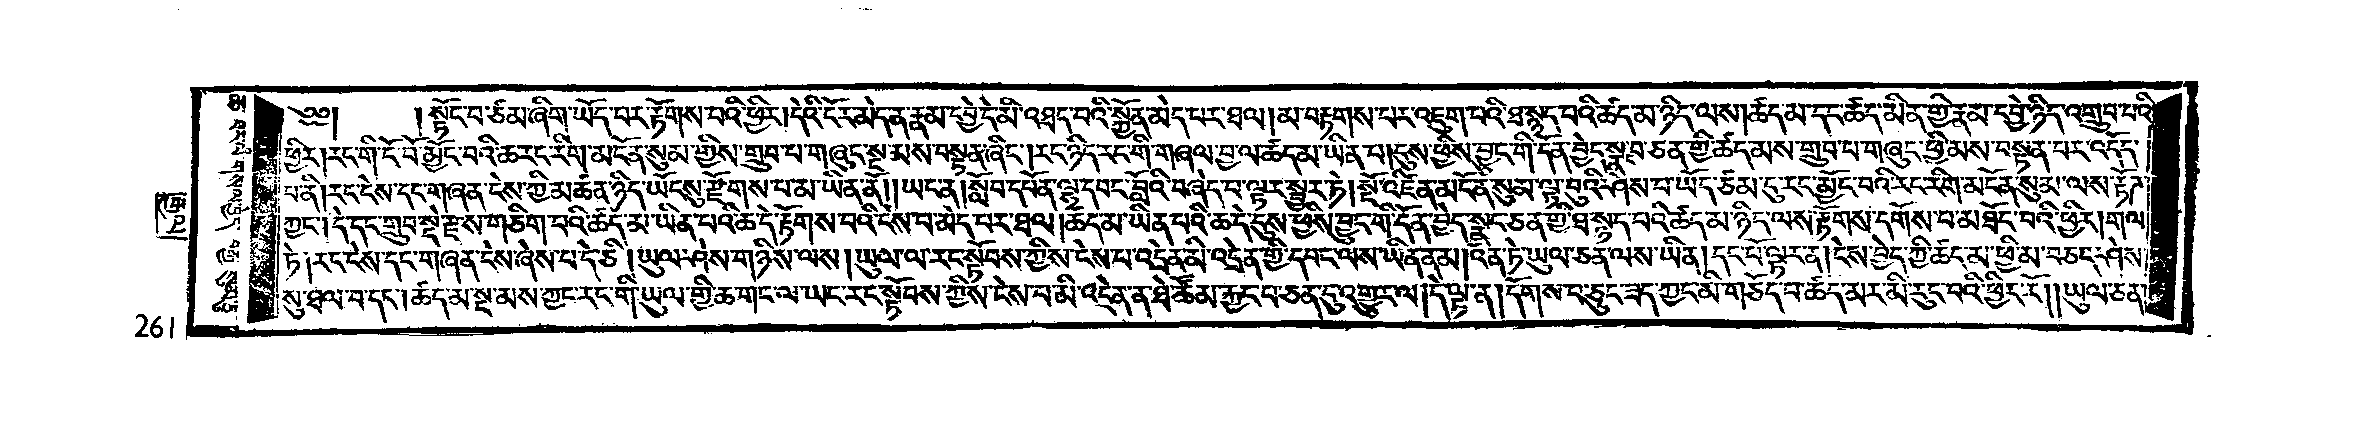༄༅། །སྟོང་པ་ཙམ་ཞིག་ཡོད་པར་རྟོགས་པའི་ཕྱིར། དེའི་ངོར་མེད་ན་རྣམ་དབྱེ་དེ་མི་འཐད་པའི་སྐྱོན་མེད་པར་ཐལ། མ་བརྟགས་པར་འཇུག་པའི་ཐ་སྙད་པའི་ཚད་མ་ཉིད་ལས། ཚད་མ་དང་ཚད་མིན་གྱི་རྣམ་དབྱེ་ཉིད་འགྲུབ་པའི་
ཕྱིར། རང་གི་ངོ་བོ་མྱོང་བའི་ཆ་རང་རིག་མངོན་སུམ་གྱིས་གྲུབ་པ་གཞུང་སྔ་མས་བསྟན་ཞིང་། རང་ཉིད་རང་གི་གཞལ་བྱ་ལ་ཚད་མ་ཡིན་པ། དུས་ཕྱིས་བྱུང་གི་དོན་བྱེད་སྣང་བ་ཅན་གྱི་ཚད་མས་གྲུབ་པ་གཞུང་ཕྱི་མས་བསྟན་པར་འདོད་
པ་ནི། རང་ངེས་དང་གཞན་ངེས་ཀྱི་མཚན་ཉིད་ཡོངས་སུ་རྫོགས་པ་མ་ཡིན་ནོ། །ཡང་ན། སློབ་དཔོན་ལྷ་དབང་བློའི་བཞེད་པ་ལྟར་སྦྱར་ཏེ། སྔོ་འཛིན་མངོན་སུམ་ལྟ་བུའི་ཤེས་པ་ཡོད་ཙམ་དུ་རང་མྱོང་བའི་རང་རིག་མངོན་སུམ་ལས་རྟོགས་
ཀྱང་། དེ་དང་གྲུབ་སྡེ་རྫས་གཅིག་པའི་ཚད་མ་ཡིན་པའི་ཆ་དེ་རྟོགས་པའི་ངེས་པ་མེད་པར་ཐལ། ཚད་མ་ཡིན་པའི་ཆ་དེ་དུས་ཕྱིས་བྱུང་གི་དོན་བྱེད་སྣང་ཅན་གྱི་ཐ་སྙད་པའི་ཚད་མ་ཉིད་ལས་རྟོགས་དགོས་པ་མཐོང་བའི་ཕྱིར། གལ་
ཏེ། རང་ངེས་དང་གཞན་ངེས་ཞེས་པ་དེ་ཅི། ཡུལ་ཤེས་གཉིས་ལས། ཡུལ་ལ་རང་སྟོབས་ཀྱིས་ངེས་པ་འདྲེན་མི་འདྲེན་གྱི་དབང་ལས་ཡིན་ནམ། འོན་ཏེ་ཡུལ་ཅན་ལས་ཡིན། དང་པོ་ལྟར་ན། ངེས་བྱེད་ཀྱི་ཚད་མ་ཕྱི་མ་བཅད་ཤེས་
སུ་ཐལ་བ་དང་། ཚད་མ་སྔ་མས་ཀྱང་རང་གི་ཡུལ་གྱི་ཆ་གང་ལ་ཡང་རང་སྟོབས་ཀྱིས་ངེས་པ་མི་འདྲེན་ན་ཐེ་ཚོམ་རྐྱང་པ་ཅན་དུ་འགྱུར་ལ། དེ་ལྟ་ན། དོགས་པ་ཅུང་ཟད་ཀྱང་མི་གཅོད་པ་ཚད་མར་མི་རུང་བའི་ཕྱིར་རོ། །ཡུལ་ཅན་